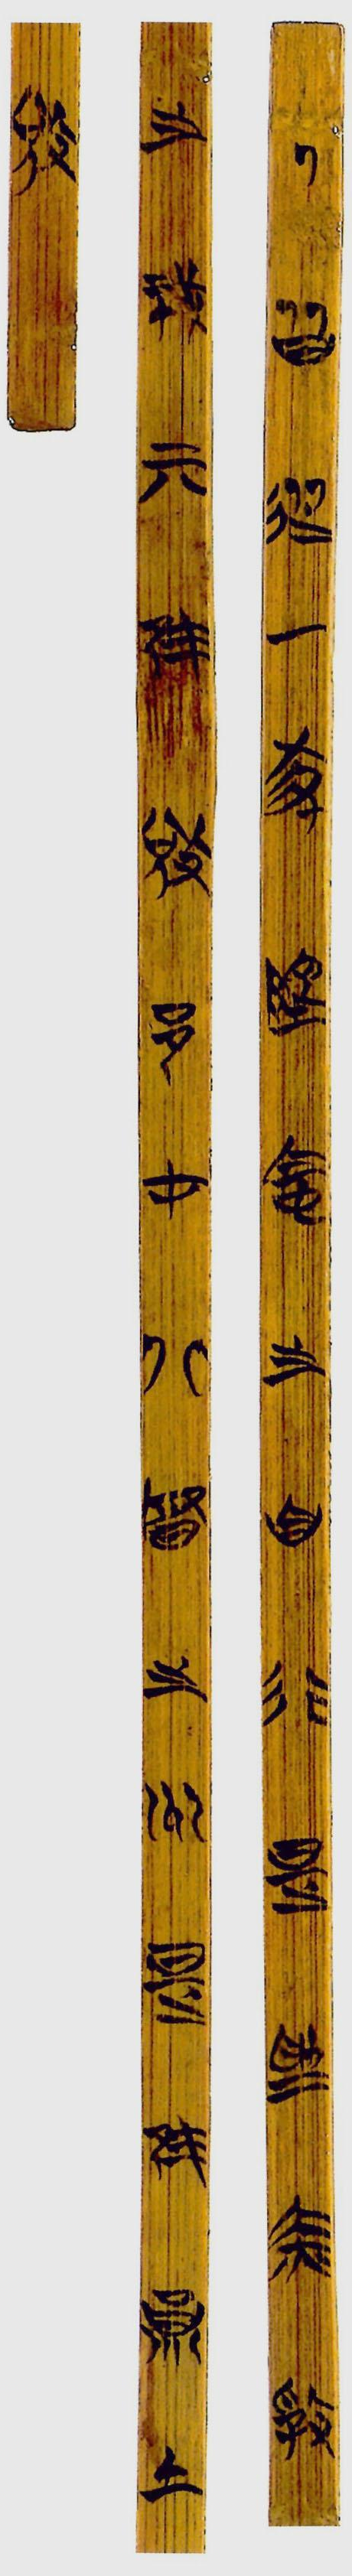人皆從一豕地（地）{宀𠁩}（仲）之自行是爲赤{孚攴}之戎亓隹敓（說）邑才北{母日}（海）之州是隹員土敓（說）
